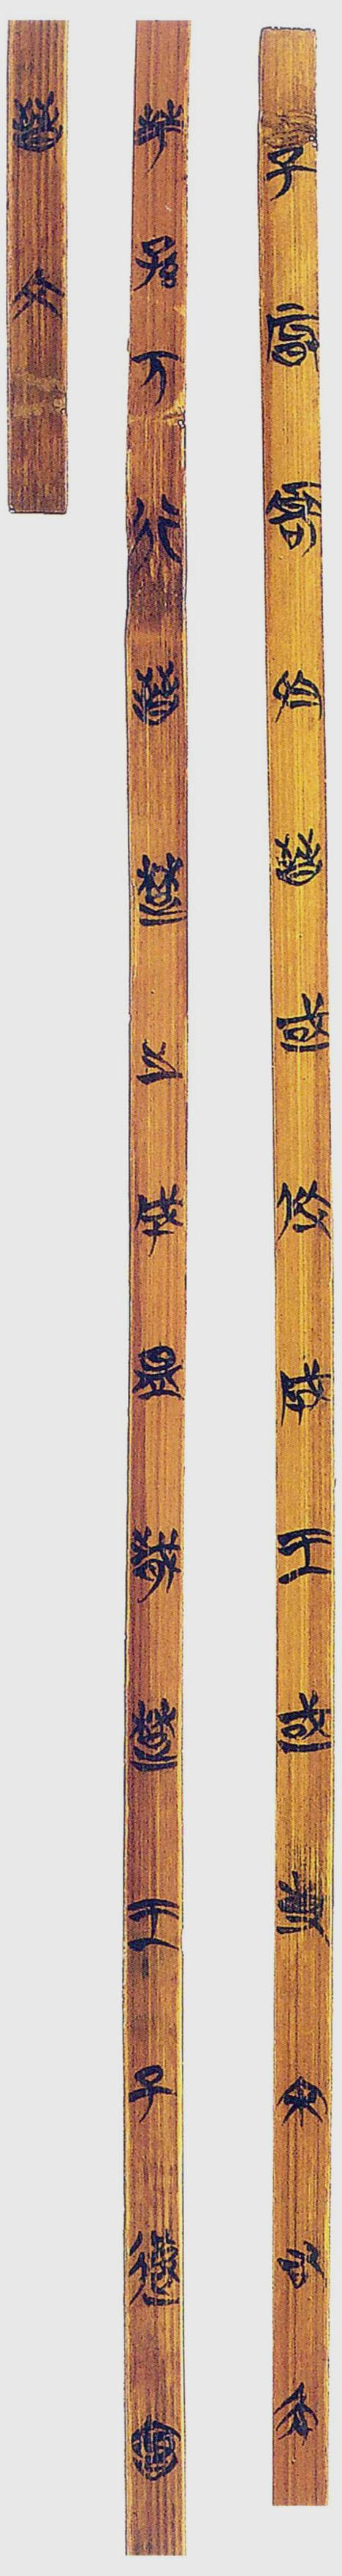子晨{口甹}於晉或攸成王或史宋右帀芋孫兀行晉楚之成昷歲楚王子{辶皮}會晉文
